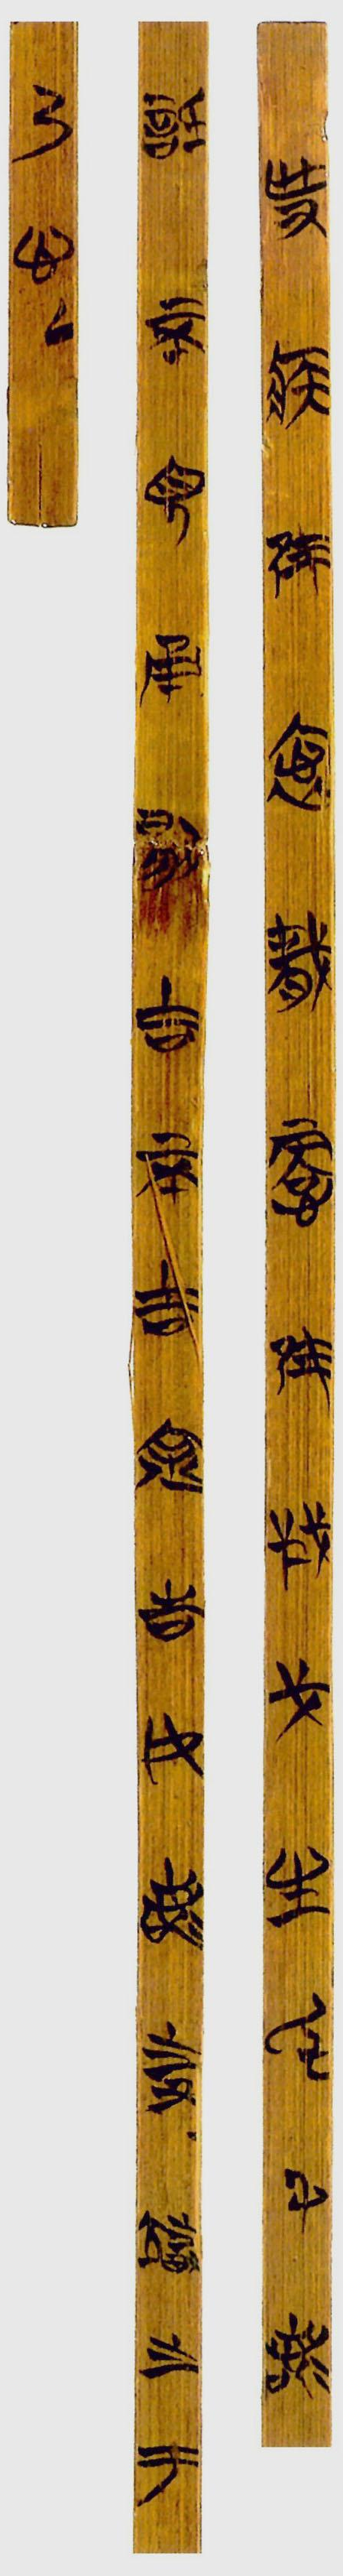拃（作）疾隹{衣心}胾{丙心}隹{干戈}戈生氒身若詆不見甬{昜刀}吉不吉余告女若寺{立畤}之于乃心
